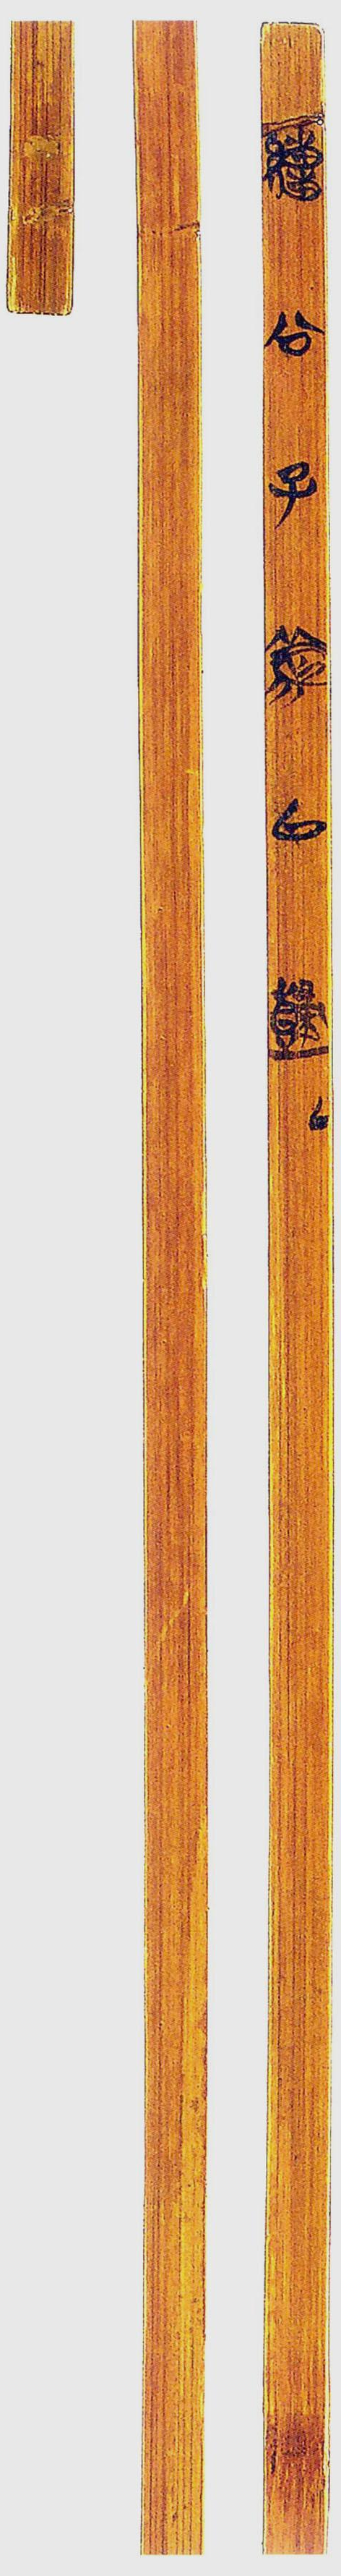{糸東田}公子義㠯（以）歸
